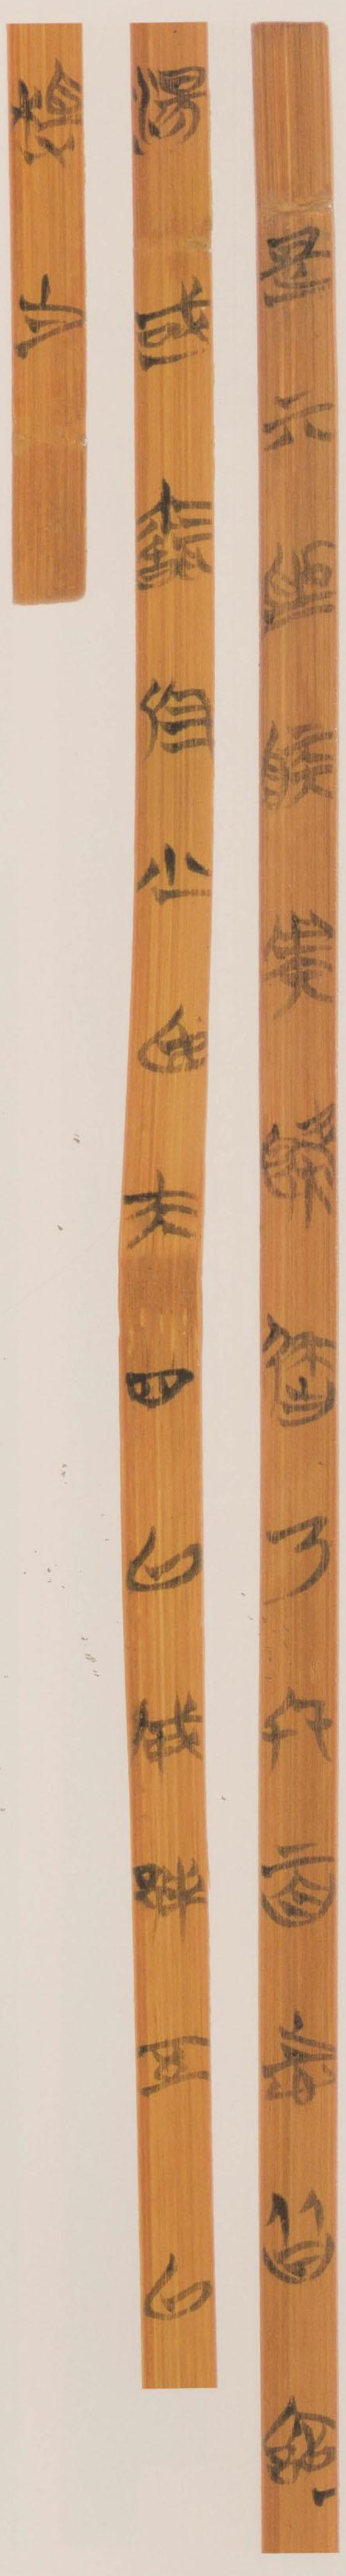是亓爲疾央{既火}屈乃夂百志皆{宮身}湯或{尒䎽}於少臣夫四㠯（以）成邦五㠯（以）{相又}之
